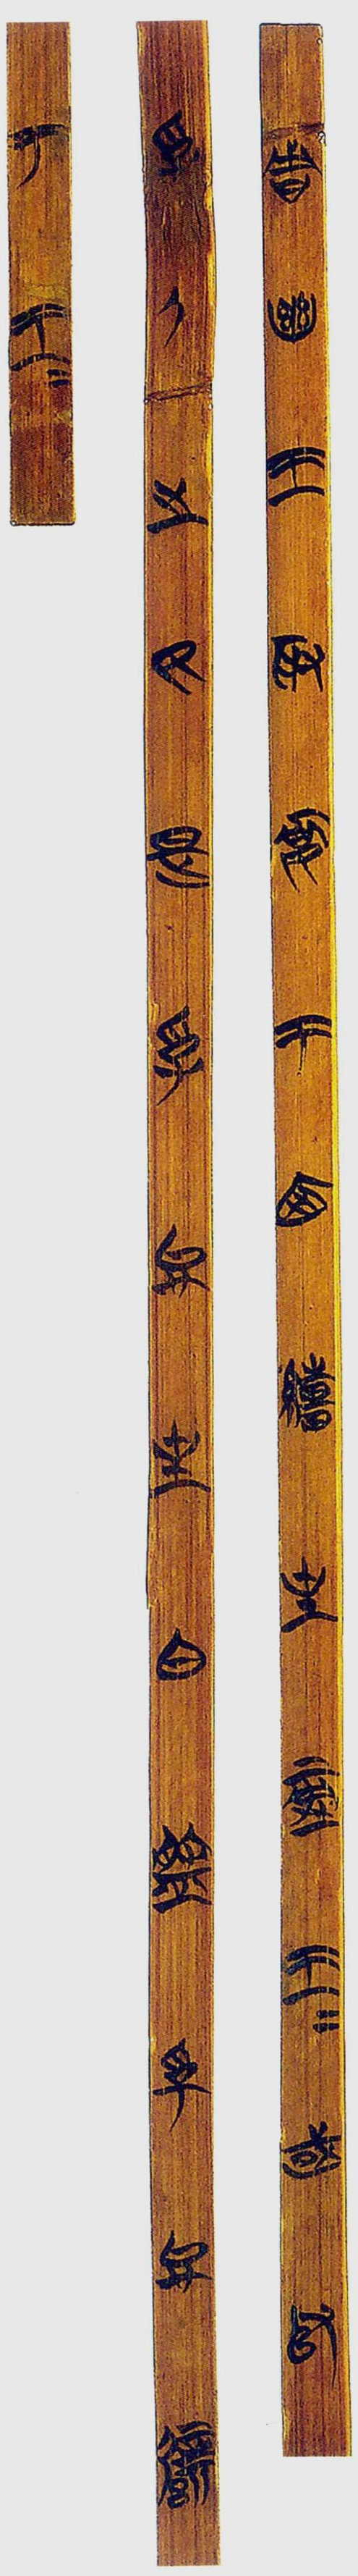周幽王取妻于西{糸東田}生坪王=或{𡴎又}孚人之女是孚{㠯心}生白盤孚{㠯心}辟于王=
